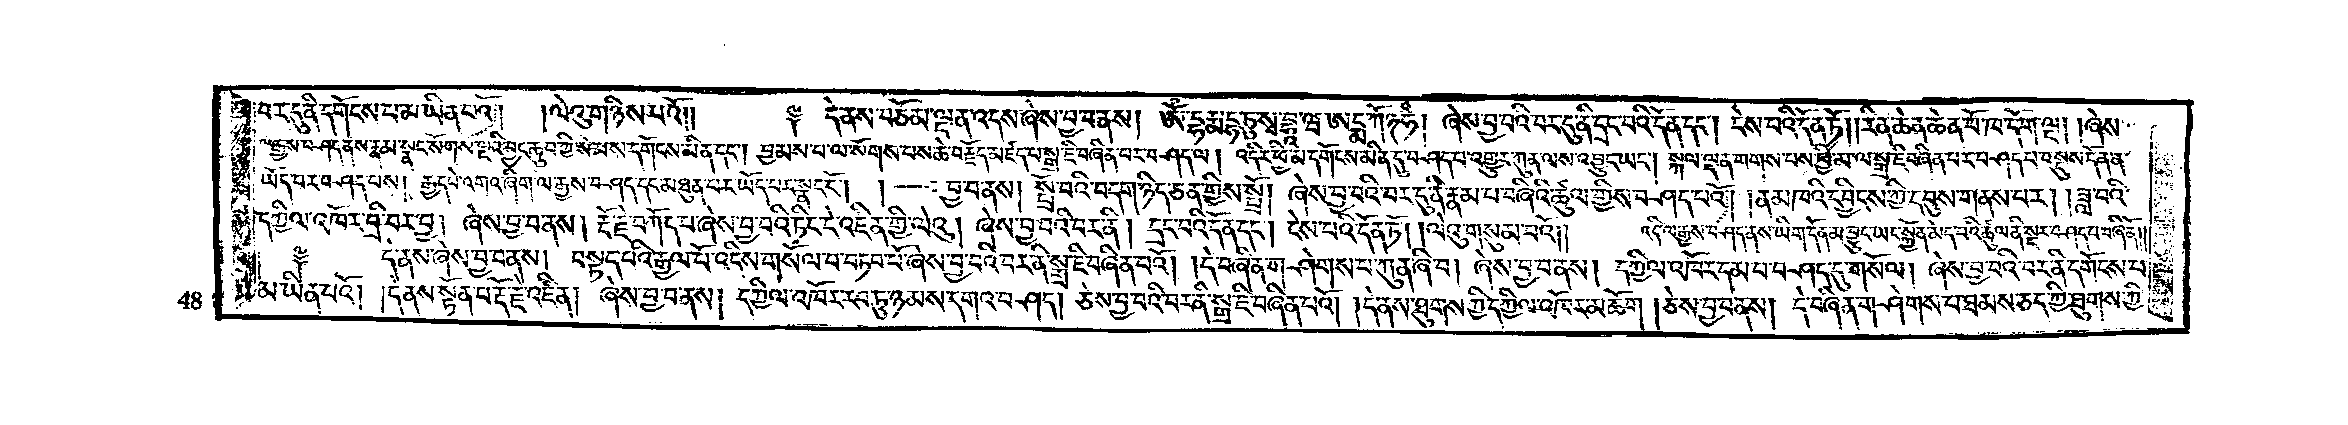བར་དུ་ནི་དགོངས་པ་མ་ཡིན་པའོ། །ལེའུ་གཉིས་པའོ།། ༈ དེ་ནས་བཅོམ་ལྡན་འདས་ཞེས་བྱ་བ་ནས། ཨོཾ་དྷརྨ་དྷ་ཏུ་སྭ་བྷཱ་ཝ་ཨདམ་ཀོཉ་ཧཾ། ཞེས་བྱ་བའི་བར་དུ་ནི་དྲང་བའི་དོན་དང་། ངེས་པའི་དོན་ཏོ། །རིན་ཆེན་ཆེན་པོ་ཁ་དོག་ལྔ། །ཞེས་H.
༧རྒྱས་བཤད་ནས་རྣམ་སྣང་སོགས་ལྔའི་བྱང་ཆུབ་ཀྱི་སེམས་དགོངས་མིན་དང་། བྱམས་པ་ལ་སོགས་པས་ཆེ་བརྗོད་མཛད་པ་སྒྲ་ཇི་བཞིན་པར་བཤད་ལ། འདིར་ཕྱི་མ་དགོངས་མིན་དུ་བཤད་པ་འགྱུར་ཀུན་ལས་འབྱུང་ཡང་། སྐལ་ལྡན་གྲགས་པས་ཕྱི་མ་ལ་སྒྲ་ཇི་བཞིན་པར་བཤད་པ་བསྡུས་དོན་ནི་
ཡོད་པར་བཤད་པས། རྒྱ་དཔེ་འགའ་ཞིག་ལ་རྒྱས་བཤད་དང་མཐུན་པར་ཡོད་པར་སྣང་ངོ།། .Hབྱ་བ་ནས། སྤྲོ་བའི་བདག་ཉིད་ཅན་གྱིས་སྤྲོ། ཞེས་བྱ་བའི་བར་དུ་ནི་རྣམ་པ་བཞིའི་ཚུལ་གྱིས་བཤད་པའོ། །ནམ་མཁའི་དབྱིངས་ཀྱི་དབུས་གནས་པར། །ཟླ་བའི་
དཀྱིལ་འཁོར་བྲི་བར་བྱ། ཞེས་བྱ་བ་ནས། རྡོ་རྗེ་བཀོད་པ་ཞེས་བྱ་བའི་ཏིང་ངེ་འཛིན་གྱི་ལེའུ། ཞེས་བྱ་བའི་བར་ནི། དྲང་བའི་དོན་དང་། ངེས་པའི་དོན་ཏོ། །ལེའུ་གསུམ་པའོ།། འདི་ལ་རྒྱས་བཤད་ནས་ཡིག་དོན་མ་བྱུང་ཡང་སྐྱོན་མེད་པའི་ཚུལ་ནི་སྔར་བཤད་པ་བཞིན་ནོ། །
༈ དེ་ནས་ཞེས་བྱ་བ་ནས། བསྟོད་པའི་རྒྱལ་པོ་འདིས་གསོལ་བ་བཏབ་པོ་ཞེས་བྱ་བའི་བར་ནི་སྒྲ་ཇི་བཞིན་པའོ། །དེ་བཞིན་གཤེགས་པ་ཀུན་ཞི་བ། ཞེས་བྱ་བ་ནས། དཀྱིལ་འཁོར་དམ་པ་བཤད་དུ་གསོལ། ཞེས་བྱ་བའི་བར་ནི་དགོངས་པ་
མ་ཡིན་པའོ། །དེ་ནས་སྟོན་པ་རྡོ་རྗེ་འཛིན། ཞེས་བྱ་བ་ནས། དཀྱིལ་འཁོར་རབ་ཏུ་ཉམས་དགའ་བཤད། ཅེས་བྱ་བའི་བར་ནི་སྒྲ་ཇི་བཞིན་པའོ། །དེ་ནས་ཐུགས་ཀྱི་དཀྱིལ་འཁོར་མཆོག །ཅེས་བྱ་བ་ནས། དེ་བཞིན་གཤེགས་པ་ཐམས་ཅད་ཀྱི་ཐུགས་ཀྱི་